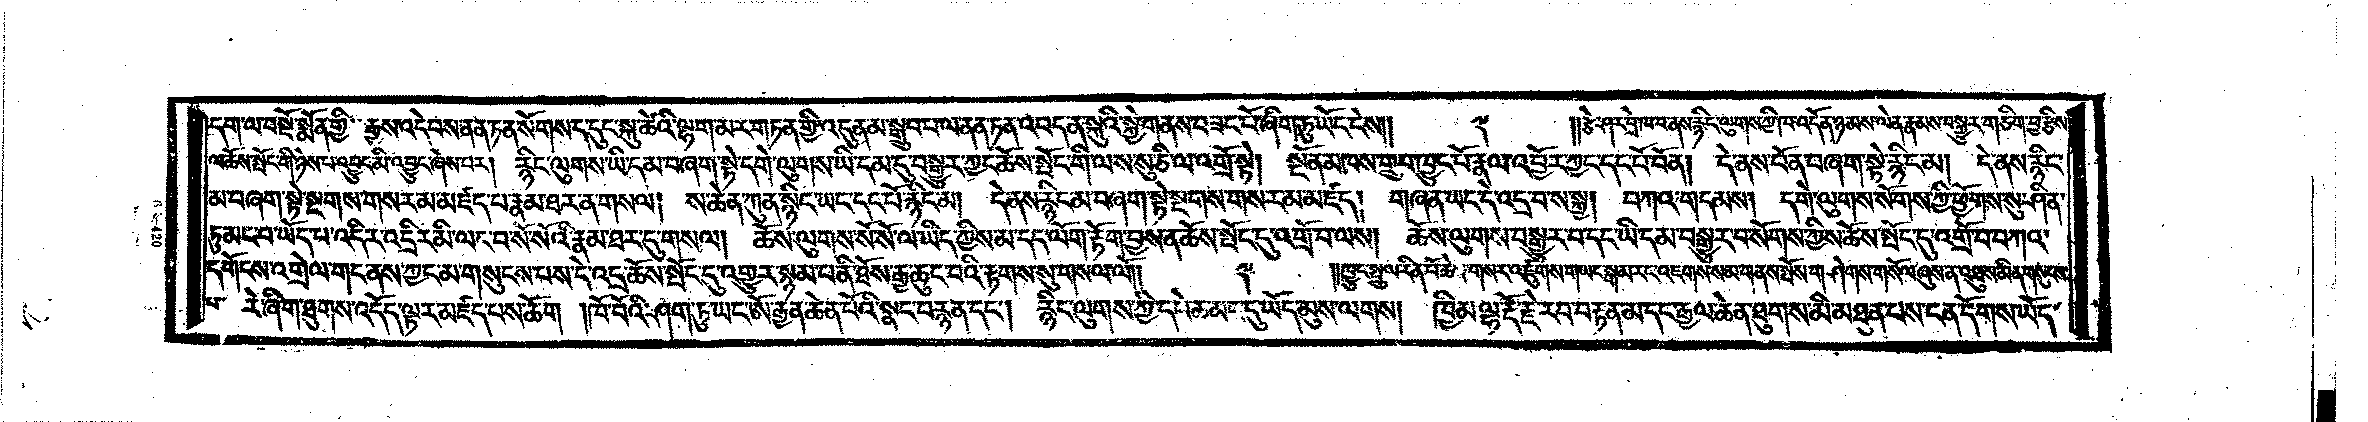དག་ལ་བསྔོ་སྨོན་གྱི་རྒྱས་འདེབས་ནན་ཏན་སོགས་ད་དུང་སྐུ་ཚེའི་ལྷག་མར་གཏན་གྱི་འདུན་མ་སྒྲུབ་པ་ལ་ནན་ཏན་འབད་ན་སྐུའི་སྐྱེ་གནས་བཟང་པོ་ཞིག་ཏུ་ཡོང་ངེས།། ༈ །།རྩེ་ཤར་བྲེ་ཁ་བ་ནས་རྙིང་ལུགས་ཀྱི་ཁ་འདོན་ཉམས་ལེན་རྣམས་བསྐྱུར་གཅིག་བྱ་རྩིས་
ལ་ཆོས་སྤོང་གི་ཉེས་པ་འབྱུང་མི་འབྱུང་ཞེས་པར། རྙིང་ལུགས་ཡི་དམ་བཞག་སྟེ་དགེ་ལུགས་ཡི་དམ་དུ་བསྒྱུར་ཀྱང་ཆོས་སྤོང་གི་ལས་སུ་ཅི་ལ་འགྲོ་སྟེ། སྔོན་མཁས་གྲུབ་ཁྱུང་པོ་རྣལ་འབྱོར་ཀྱང་དང་པོ་བོན། དེ་ནས་བོན་བཞག་སྟེ་རྙིང་མ། དེ་ནས་རྙིང་
མ་བཞག་སྟེ་སྔགས་གསར་མ་མཛད་པ་རྣམ་ཐར་ན་གསལ། ས་ཆེན་ཀུན་སྙིང་ཡང་དང་པོ་རྙིང་མ། དེ་ནས་རྙིང་མ་བཞག་སྟེ་སྔགས་གསར་མ་མཛད། གཞན་ཡང་དེ་འདྲ་བ་ས་སྐྱ། བཀའ་གདམས། དགེ་ལུགས་སོགས་ཀྱི་ཕྱོགས་སུ་ཤིན་
ཏུ་མང་བ་ཡོད་པ་འདིར་འདྲིར་མི་ལང་བ་སོ་སོའི་རྣམ་ཐར་དུ་གསལ། ཆོས་ལུགས་སོ་སོ་ལ་ཡིད་ཀྱིས་མ་དད་ལོག་རྟོག་བྱས་ན་ཆོས་སྤོང་དུ་འགྲོ་བ་ལས། ཆོས་ལུགས་བསྒྱུར་བ་དང་ཡི་དམ་བསྒྱུར་བ་སོགས་ཀྱིས་ཆོས་སྤོང་དུ་འགྲོ་བ་བཀའ་
དགོངས་འགྲེལ་གང་ནས་ཀྱང་མ་གསུངས་པས་དེ་འདྲ་ཆོས་སྤོང་དུ་འགྱུར་སྙམ་པ་ནི་ཐོས་རྒྱ་ཆུང་བའི་རྟགས་སུ་གསལ་ལོ།། ༈ །།ཁྱུང་སྤྲུལ་རིན་པོ་ཆེས་གསར་འཛུགས་གཡང་སྒམ་རང་འཇགས་སམ་གནས་སྤོས་གཤེགས་གསོལ་ཞུས་ན་འཐུས་མིན་གསུངས་
པ་རེ་ཞིག་ཐུགས་འདོད་ལྟར་མཛད་པས་ཆོག །ཁོ་བོའི་ཤག་ཏུ་ཡང་ཨོ་རྒྱན་ཆེན་པོའི་སྣང་བརྙན་དང་། རྙིང་ལུགས་ཀྱི་དཔེ་ཆ་མང་དུ་ཡོད་མུས་ལགས། ཁྱིམ་ལྷ་རྡོ་རྗེ་རབ་བརྟན་མ་དང་རྒྱལ་ཆེན་ཐུགས་མི་མཐུན་པས་ངན་དོགས་ཡོད་